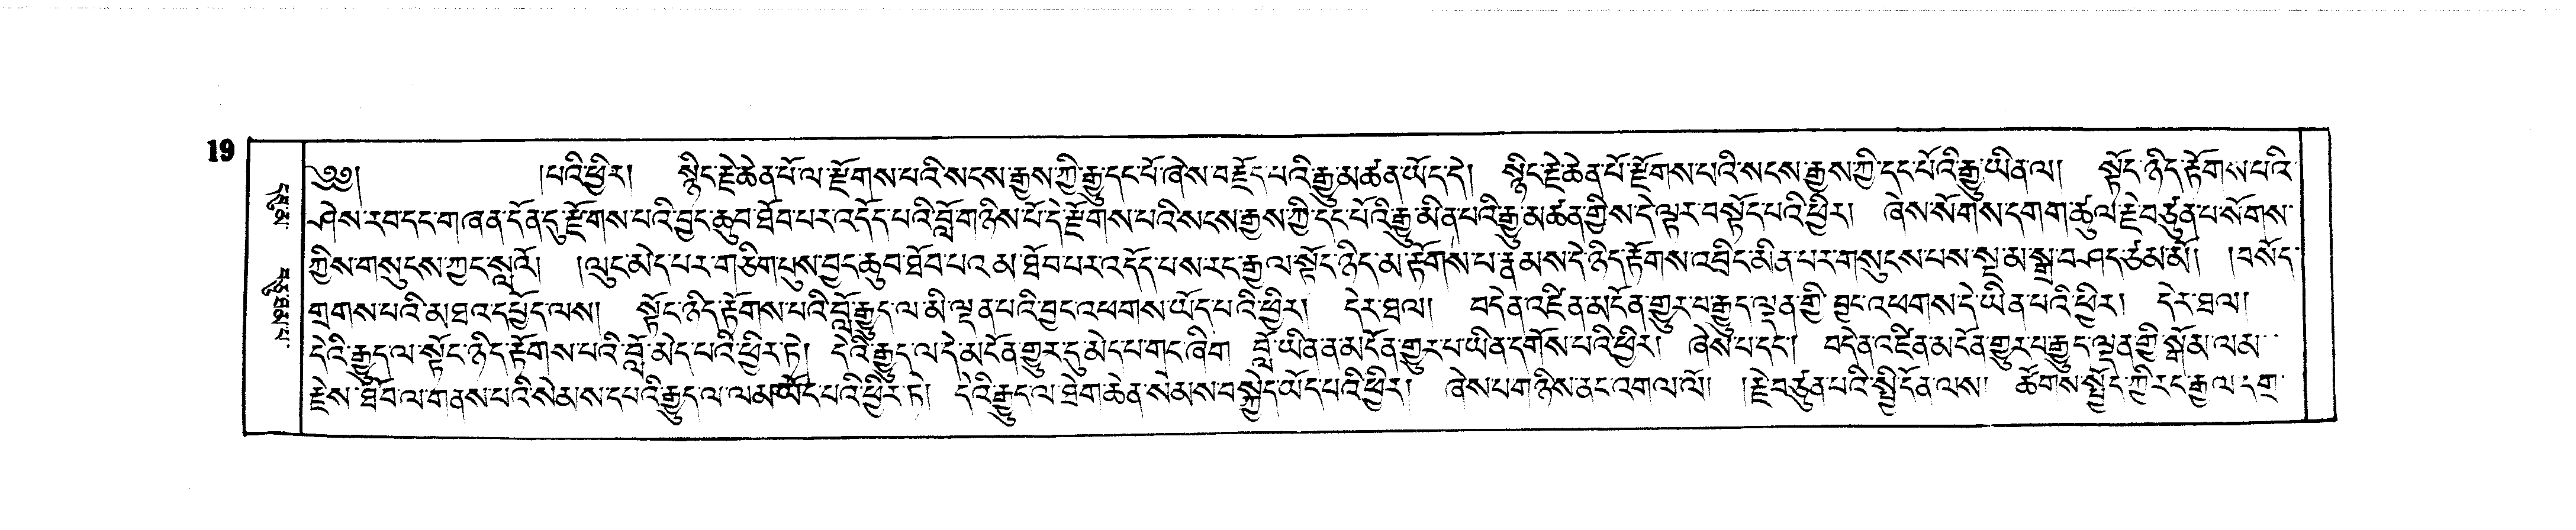༄༅། །པའི་ཕྱིར། སྙིང་རྗེ་ཆེན་པོ་ལ་རྫོགས་པའི་སངས་རྒྱས་ཀྱི་རྒྱུ་དང་པོ་ཞེས་བརྗོད་པའི་རྒྱུ་མཚན་ཡོད་དེ། སྙིང་རྗེ་ཆེན་པོ་རྫོགས་པའི་སངས་རྒྱས་ཀྱི་དང་པོའི་རྒྱུ་ཡིན་ལ། སྟོང་ཉིད་རྟོགས་པའི་
ཤེས་རབ་དང་གཞན་དོན་དུ་རྫོགས་པའི་བྱང་ཆུབ་ཐོབ་པར་འདོད་པའི་བློ་གཉིས་པོ་དེ་རྫོགས་པའི་སངས་རྒྱས་ཀྱི་དང་པོའི་རྒྱུ་མིན་པའི་རྒྱུ་མཚན་གྱིས་དེ་ལྟར་བསྟོད་པའི་ཕྱིར། ཞེས་སོགས་དགག་ཚུལ་རྗེ་བཙུན་པ་སོགས་
ཀྱིས་གསུངས་ཀྱང་སླའོ། །ལུང་མེད་པར་གཅིག་པུས་བྱང་ཆུབ་ཐོབ་པའམ་ཐོབ་པར་འདོད་པས་རང་རྒྱལ་སྟོང་ཉིད་མ་རྟོགས་པ་རྣམས་དེ་ཉིད་རྟོགས་འབྲིང་མིན་པར་གསུངས་པས་སྔ་མ་སྒྲ་བཤད་ཙམ་མོ། །བསོད་
གྲགས་པའི་མཐའ་དཔྱོད་ལས། སྟོང་ཉིད་རྟོགས་པའི་བློ་རྒྱུད་ལ་མི་ལྡན་པའི་བྱང་འཕགས་ཡོད་པའི་ཕྱིར། དེར་ཐལ། བདེན་འཛིན་མངོན་གྱུར་པ་རྒྱུད་ལྡན་གྱི་བྱང་འཕགས་དེ་ཡིན་པའི་ཕྱིར། དེར་ཐལ།
དེའི་རྒྱུད་ལ་སྟོང་ཉིད་རྟོགས་པའི་བློ་མེད་པའི་ཕྱིར་ཏེ། དེའི་རྒྱུད་ལ་དེ་མངོན་གྱུར་དུ་མེད་པ་གང་ཞིག་བློ་ཡིན་ན་མངོན་གྱུར་པ་ཡིན་དགོས་པའི་ཕྱིར། ཞེས་པ་དང་། བདེན་འཛིན་མངོན་གྱུར་པ་རྒྱུད་ལྡན་གྱི་སྒོམ་ལམ་
རྗེས་ཐོབ་ལ་གནས་པའི་སེམས་དཔའི་རྒྱུད་ལ་ལམ་ཡོད་པའི་ཕྱིར་ཏེ། དེའི་རྒྱུད་ལ་ཐེག་ཆེན་སེམས་བསྐྱེད་ཡོད་པའི་ཕྱིར། ཞེས་པ་གཉིས་ནང་འགལ་ལོ། །རྗེ་བཙུན་པའི་སྤྱི་དོན་ལས། ཚོགས་སྤྱོད་ཀྱི་རང་རྒྱལ་དགྲ་